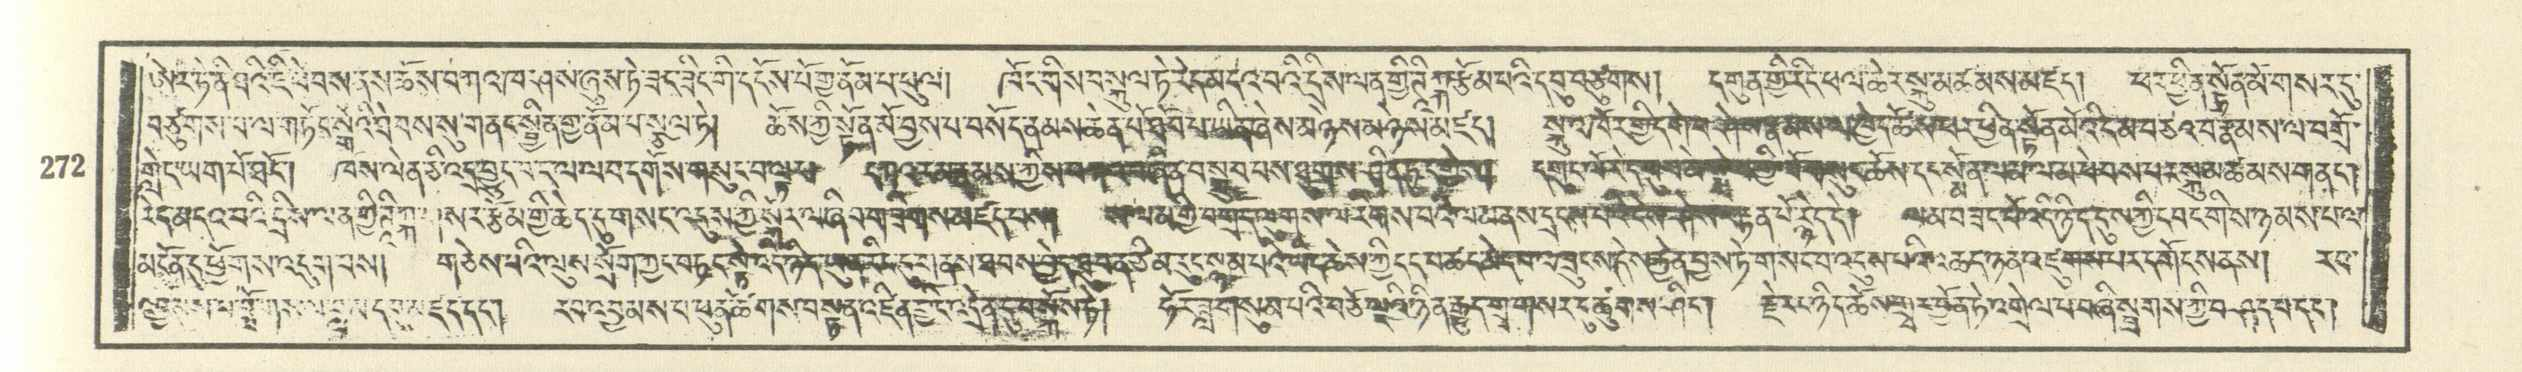ཨེར་ཏེ་ནི་ཐའི་ཇི་ཕེབས་ནས་ཆོས་བཀའ་ཁ་ཤས་ཞུས་ཏེ་ཟང་ཟིང་གི་དངོས་པོ་གྱ་ནོམ་པ་ཕུལ། ཁོང་གིས་བསྐུལ་ཏེ་རེད་མདའ་བའི་དྲིས་ལན་གྱི་ཊཱིཀྐ་རྩོམ་པའི་དབུ་བཙུགས། དགུན་གྱི་རིང་ཕལ་ཆེར་སྐུ་མཚམས་མཛད། ཕར་ཕྱིན་སྟོན་མོ་གསར་དུ་
བཙུགས་པ་ལ་གཏོང་སྒོའི་ཐེབས་སུ་གནང་སྦྱིན་གྱ་ནོམ་པ་སྩལ་ཏེ། ཆོས་ཀྱི་སྟོན་མོ་བྱས་པ་བསོད་ནམས་ཆེན་པོ་ཐོབ་པ་ཡིན་ཞེས་མཉེས་མཉེས་མཛད། སྐུ་འཁོར་གྱི་དགེ་བཤེས་རྣམས་ལ་ཁྱེད་ཚོས་ཕར་ཕྱིན་སྟོན་མོའི་དམ་བཅའ་བ་རྣམས་ལ་བགྲོ་
གླེང་ཡག་པོ་ཐོང་། ཁས་ལེན་ཅི་འདྲ་བྱུང་བ་ང་ལ་ལབ་དགོས་གསུང་པ་ལྟར། དཀའ་རམ་རྣམས་ཀྱིས་བཀའ་བཞིན་བསྒྲུབ་པས་ཐུགས་ཤིན་ཏུ་དགྱེས། དགུང་ལོ་རེ་དགུ་པ་མེ་སྤྲེལ་གྱི་ལོ་གསུང་ཆོས་དང་སྨོན་ལམ་ལ་མ་ཕེབས་པར་སྐུ་མཚམས་གནང་།
རིད་མདའ་བའི་དྲིས་ལན་གྱི་ཊཱིཀྐ་གསར་རྩོམ་གྱི་ཆེད་དུ་གསང་འདུས་ཀྱི་སྐོར་ལ་ཞིབ་གཟིགས་མཛད་པས། ས་ལམ་གྱི་བགྲོད་ལུགས་ལ་རིགས་པའི་ལམ་ནས་དྲངས་པའི་ངེས་ཤེས་བརྟན་པོ་རྙེད་དེ། ལམ་བཟང་པོ་འདི་ཉིད་དུས་ཀྱི་དབང་གིས་ཉམས་པ་ལ་
མངོན་དུ་ཕྱོགས་འདུག་པས། གཅེས་པའི་ལུས་སྲོག་ཀྱང་བཏང་སྟེ་འདི་ཉིད་ཡུན་རིང་དུ་གནས་ཐབས་བྱེད་ཐུབ་ན་ཅིམ་རུང་སྙམ་པའི་ཡིད་ཆེས་ཀྱི་དད་པ་ཚད་མེད་པ་འཁྲུངས་དེས་རྐྱེན་བྱས་ཏེ་གསང་བ་འདུས་པའི་འཆད་ཉན་འཛུགས་པར་དགོངས་ནས། རབ་
འབྱམས་པ་བློ་གསལ་བླ་མ་དགུ་མཛད་དང་། རབ་འབྱམས་པ་ཕུན་ཚོགས་བསྟན་འཛིན་བྱིང་འདྲེན་དུ་བསྐོས་ཏེ། ཧོར་ཟླ་གསུམ་པའི་བཅོ་ལྔའི་ཉིན་རྒྱུད་གྲྭ་གསར་དུ་ཚུགས་ཤིང་། རྗེ་རང་ཉིད་ཆོས་གྲྭར་བྱོན་ཏེ་འགྲེལ་པ་བཞི་སྦྲགས་ཀྱི་བཤད་པ་དང་།